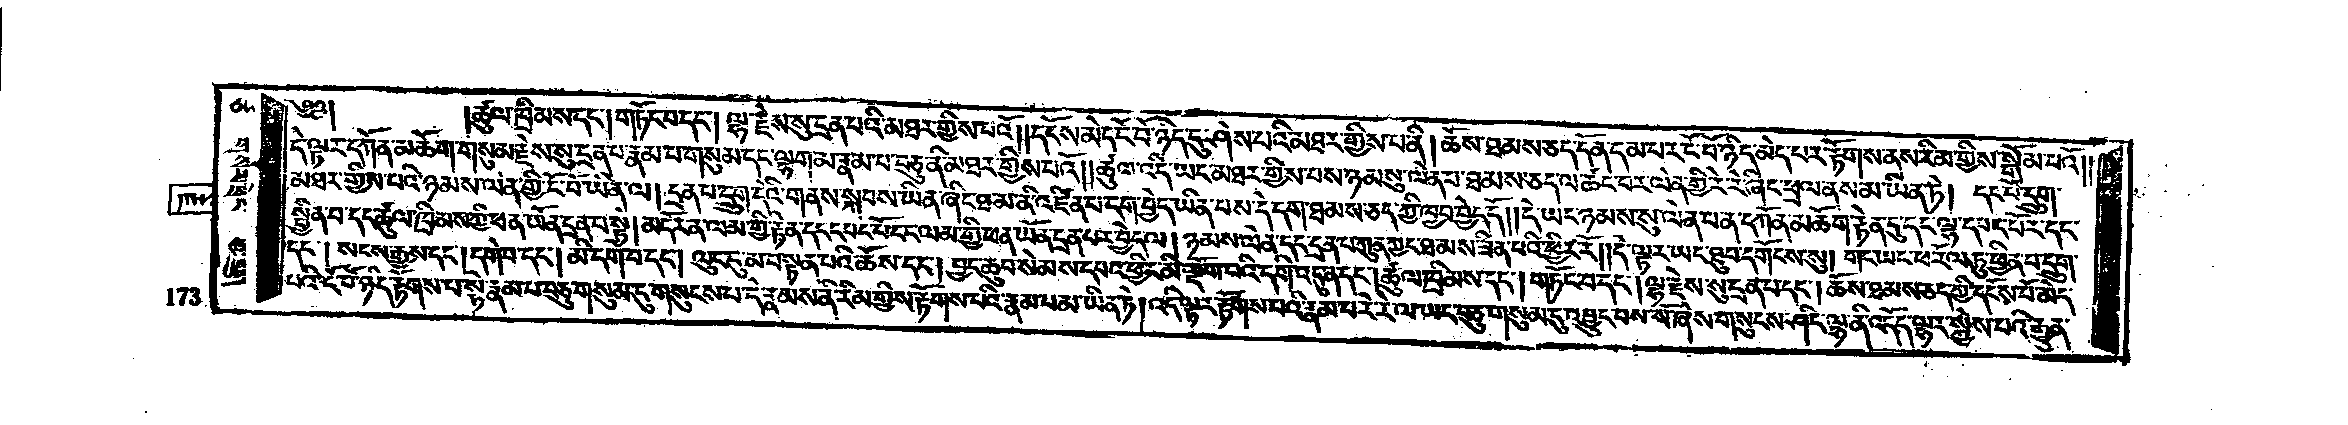༄༅། །ཚུལ་ཁྲིམས་དང་། གཏོང་བ་དང་། ལྷ་རྗེས་སུ་དྲན་པའི་མཐར་གྱིས་པའོ། །དངོས་མེད་ངོ་བོ་ཉིད་དུ་ཤེས་པའི་མཐར་གྱིས་པ་ནི། ཆོས་ཐམས་ཅད་དོན་དམ་པར་ངོ་བོ་ཉིད་མེད་པར་རྟོགས་ནས་རིམ་གྱིས་སྒོམ་པའོ། །
དེ་ལྟར་དཀོན་མཆོག་གསུམ་རྗེས་སུ་དྲན་པ་རྣམ་པ་གསུམ་དང་ལྷག་མ་རྣམ་པ་བཅུ་ནི་མཐར་གྱིས་པའོ། །ཚུལ་འདི་ཡང་མཐར་གྱིས་པས་ཉམས་སུ་ལེན་པ་ཐམས་ཅད་ལ་ཚང་བར་ལེན་གྱི་རེ་རེ་ཞིང་ཕྲལ་ནས་མ་ཡིན་ཏེ། དང་པོ་དྲུག་
མཐར་གྱིས་པའི་ཉམས་ལེན་གྱི་ངོ་བོ་ཡིན་ལ། དྲན་པ་དྲུག་དེའི་གནས་སྐབས་ཡིན་ཞིང་ཐ་མ་ནི་འཛིན་པ་དག་བྱེད་ཡིན་པས་དེ་དག་ཐམས་ཅད་ཀྱི་ཁྱབ་བྱེད་དོ། །དེ་ཡང་ཉམས་སུ་ལེན་པ་ན་དཀོན་མཆོག་རྟེན་དུ་དང་ལྷ་དབང་པོར་དང་
སྦྱིན་པ་དང་ཚུལ་ཁྲིམས་ཀྱི་ཕན་ཡོན་དྲན་པ་སྟེ། མདོར་ན་ལམ་གྱི་རྟེན་དང་དབང་པོ་དང་ལམ་གྱི་ཕན་ཡོན་དྲན་པར་བྱེད་ལ། ཉམས་ལེན་དང་དྲན་པ་ཀུན་ཀྱང་ཐ་མས་ཟིན་པའི་ཕྱིར་རོ། །དེ་ལྟར་ཡང་ཐུབ་དགོངས་སུ། གང་ཡང་ཕ་རོལ་ཏུ་ཕྱིན་པ་དྲུག་
དང་། སངས་རྒྱས་དང་། དགེ་བ་དང་། མི་དགེ་བ་དང་། ལུང་དུ་མ་བསྟན་པའི་ཆོས་དང་། བྱང་ཆུབ་སེམས་དཔའ་ཕྱིར་མི་ལྡོག་པའི་དགེ་འདུན་དང་། ཚུལ་ཁྲིམས་དང་། གཏོང་བ་དང་། ལྷ་རྗེས་སུ་དྲན་པ་དང་། ཆོས་ཐམས་ཅད་ཀྱི་དངོས་པོ་མེད་
པའི་ངོ་བོ་ཉིད་རྟོགས་པ་སྟེ་རྣམ་པ་བཅུ་གསུམ་དུ་གསུངས་པ་དེ་རྣམས་ནི་རིམ་གྱིས་རྟོགས་པའི་རྣམ་པ་མ་ཡིན་ཏེ། འདི་ལྟར་རྟོགས་པའི་རྣམ་པ་རེ་རེ་ལ་ཡང་བཅུ་གསུམ་དུ་འབྱུང་བས་སོ་ཞེས་གསུངས་ཤིང་ལྷ་ནི་འདོད་ལྷར་སྐྱེས་པའི་རྒྱུན་